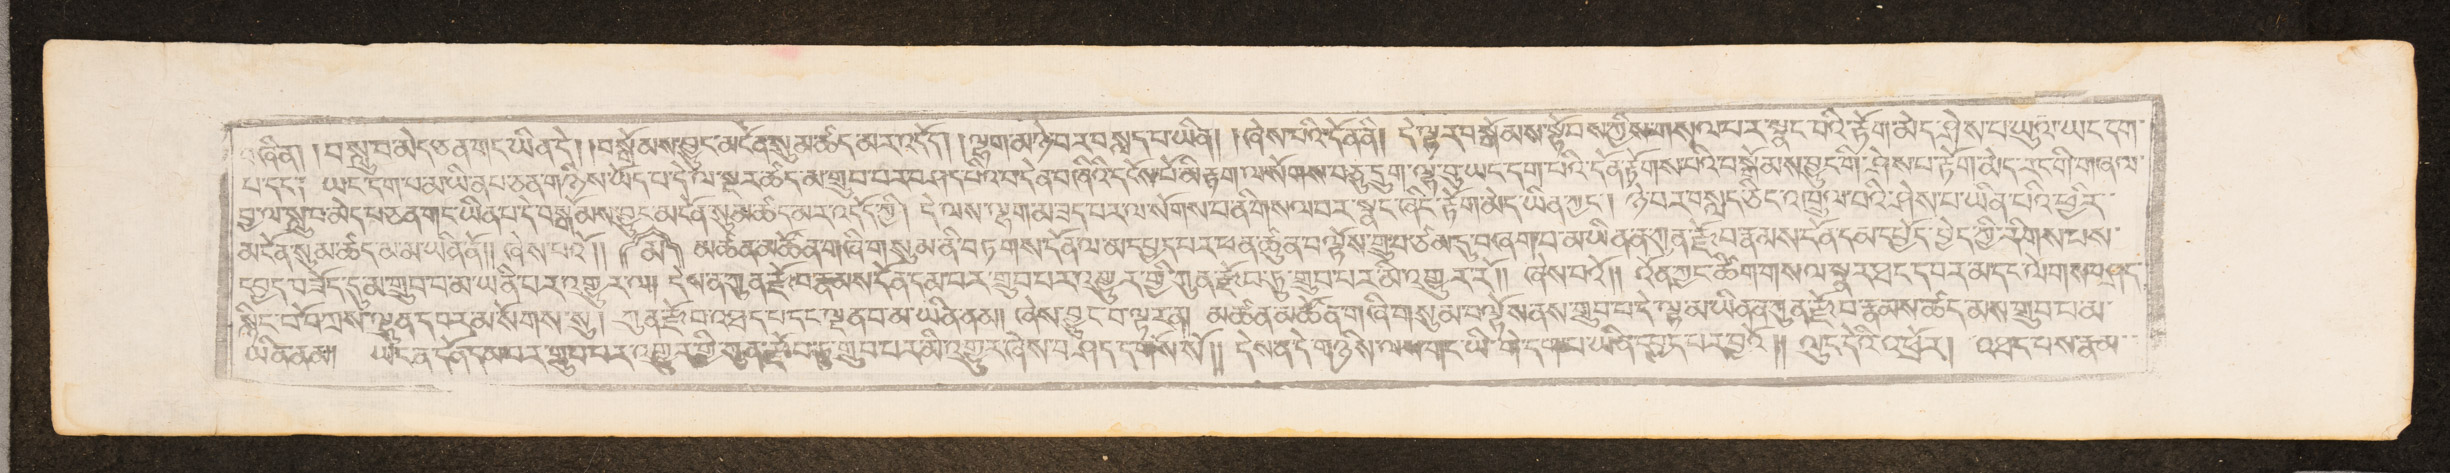བཞིན། །བསླུ་བ་མེད་ཅན་གང་ཡིན་དེ། །བསྒོམས་བྱུང་མངོན་སུམ་ཚད་མར་འདོད།། ལྷག་མ་ཉེ་བར་བསླད་པ་ཡིན། །ཞེས་པའི་དོན་ནི། དེ་ལྟར་བསྒོམས་སྟོབས་ཀྱིས་གསལ་བར་སྣང་བའི་རྟོག་མེད་ཤེས་པ་ཡུལ་ཡང་དག་
པ་དང༑ ཡང་དག་པ་མ་ཡིན་པ་ཅན་གཉིས་ཡོད་པ་དེ་ལ་སྔར་ཚད་མ་གྲུབ་པར་བཤད་པའི་བདེན་བཞིའི་དངོས་པོ་མི་རྟག་ལ་སོགས་བཅུ་དྲུག་ལྟ་བུ་ཡང་དག་པའི་དོན་རྟོགས་པའི་བསྒོམས་བྱུང་གི་ཤེས་པ་རྟོག་མེད་རང་གི་གཞལ་
བྱ་ལ་སླུ་བ་མེད་པ་ཅན་གང་ཡིན་པ་དེ་བསྒོམས་བྱུང་མངོན་སུམ་ཚད་མར་འདོད་ཀྱི། དེ་ལས་ལྷག་མ་ཟད་པར་ལ་སོགས་པ་ནི་གསལ་བར་སྣང་ཞིང་རྟོག་མེད་ཡིན་ཀྱང་། ཉེ་བར་བསླད་ཅིང་འཁྲུལ་པའི་ཤེས་པ་ཡིན་པའི་ཕྱིར་
མངོན་སུམ་ཚད་མ་མ་ཡིན་ནོ།། ཞེས་པའོ།། ༼༽མ༼༽ མཚན་མཚོན་གཞི་གསུམ་ནི་བཏགས་དོན་ལ་མ་དཔྱད་པར་ཕན་ཚུན་བལྟོས་གྲུབ་ཙམ་དུ་བཞག་པ་མ་ཡིན་ན་ཀུན་རྫོབ་རྣམས་དོན་དམ་དཔྱོད་བྱེད་ཀྱི་རིགས་པས་
དཔྱད་བཟོད་དུ་མ་གྲུབ་པ་མ་ཡིན་པར་འགྱུར་ལ། དེས་ན་ཀུན་རྫོབ་རྣམས་དོན་དམ་པར་གྲུབ་པར་འགྱུར་གྱི་ཀུན་རྫོབ་ཏུ་གྲུབ་པར་མི་འགྱུར་རོ།། ཞེས་པའོ།། འོན་ཀྱང་ཚིག་གསལ་སྣར་ཐང་དཔར་མ་དང་ལེགས་བཤད་
སྙིང་པོ་བཀྲིས་ལྷུན་དཔར་མ་སོགས་སུ། ཀུན་རྫོབ་འཐད་པ་དང་ལྡན་པ་མ་ཡིན་ནམ། ཞེས་བྱུང་བ་ལྟར་ན། མཚན་མཚོན་གཞི་གསུམ་བལྟོས་ནས་གྲུབ་པ་དེ་ལྟ་མ་ཡིན་ན་ཀུན་རྫོབ་རྣམས་ཚད་མས་གྲུབ་པ་མ་
ཡིན་ནམ། ཡང་ན་དོན་དམ་པར་གྲུབ་པར་འགྱུར་གྱི་ཀུན་རྫོབ་ཏུ་གྲུབ་པར་མི་འགྱུར་ཞེས་བཤད་དགོས་སོ།། དེས་ན་དེ་གཉིས་ལས་གང་ཡི་གེ་དག་པ་ཡིན་དཔྱད་པར་བྱའོ།། ལུང་དེའི་འཕྲོར། འཐད་པས་རྣམ་